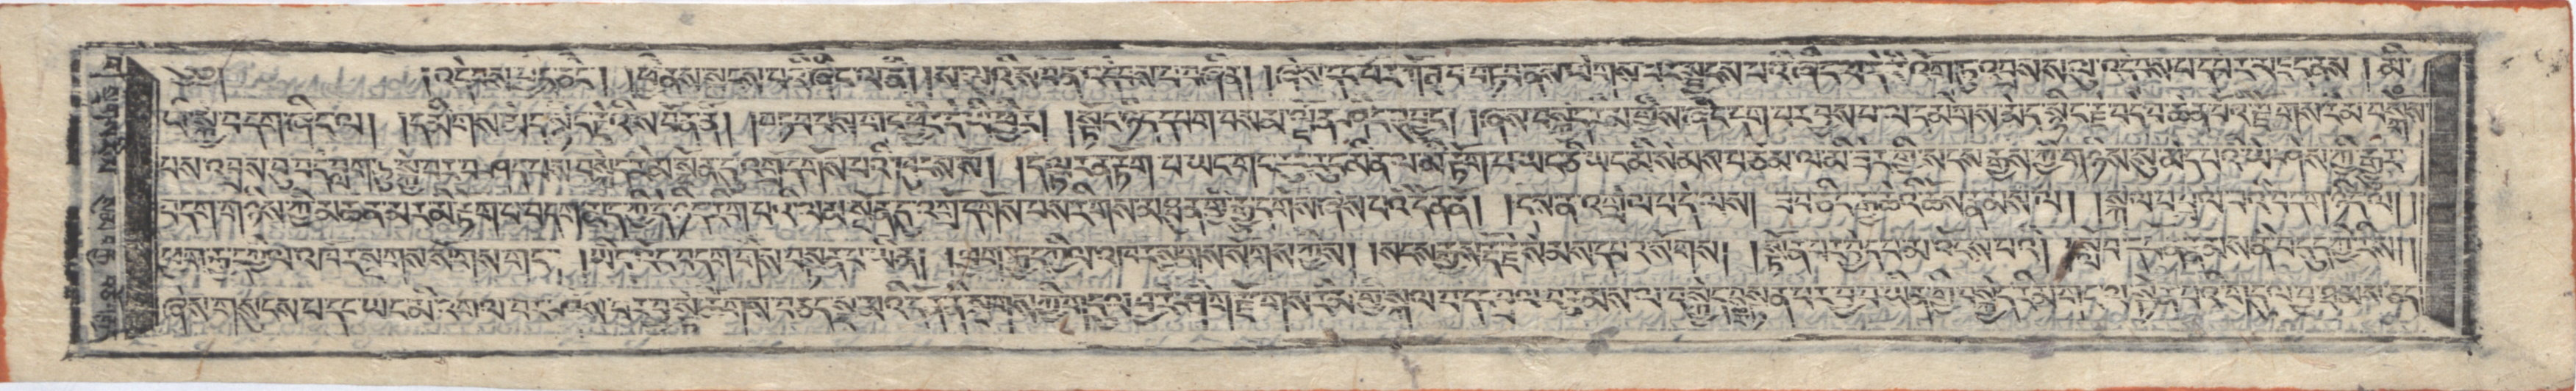༄༅། །འདེབས་བྱེད་ཅིང་། །ཕྱི་ནས་སྦྱངས་པའི་ཞིང་ལ་ནི། །ས་ལུའི་ས་བོན་འདེབས་པ་བཞིན། །ཞེས་དང་པོར་ཀོ་ཊ་བ་བཏབ་ནས་ལེགས་པར་སྦྱངས་པའི་ཞིང་ལ་དེའི་འོག་ཏུ་འབྲས་ས་ལུ་འདེབས་པ་དཔེར་མཛད་ནས། མི་
ཡི་སྐྱེ་བ་དག་ཞིང་ལ། །དམིགས་མེད་སྙིང་རྗེའི་ས་བོན་ནི། །བཏབ་པས་གང་ཕྱིར་དེ་ཡི་ཕྱིར། །སྟོང་ཉིད་དཔག་བསམ་ལྗོན་ཤིང་འབྱུང་། །ཞེས་བསྐྱེད་རིམ་གྱིས་ཞིང་དག་པར་བྱས་པ་ལ་དམིགས་མེད་སྙིང་རྗེ་བདེ་བ་ཆེན་པོའི་རྫོགས་རིམ་བསྒོམས་
པས་འབྲས་བུ་བདེ་བླག་ཏུ་སྐྱེ་བར་བཤད་པས་བསྐྱེད་རིམ་སྔོན་དུ་འགྲོ་དགོས་པའི་ཁུངས་སོ། །དེ་ལྟར་ན་རྟོག་པ་ཡང་གང་རུང་རུང་མིན་ལ་མི་རྟོག་པ་ཡང་ཅི་ཡང་མི་སེམས་པ་ཙམ་ལ་མི་ཟེར་གྱི་སངས་རྒྱས་ཀྱི་གཉིས་སུ་མེད་པའི་ཡེ་ཤེས་ཀྱི་རྒྱུར་
བདག་གཉིས་ཀྱི་མཚན་མར་མི་རྟོག་པ་བདག་མེད་ཀྱི་དེ་ཉིད་རིག་པའི་ལམ་སྔོན་དུ་འགྲོ་དགོས་པས་རིགས་མཐུན་གྱི་རྒྱུ་དགོས་ཞེས་པའི་དོན་ནོ། །དེས་ན་འགྲེལ་པ་དེ་ལས། ཟབ་ཅིང་རྒྱ་ཆེའི་ཆོས་རྣམས་ལ། །སྐལ་པ་བྲལ་བའི་བདག་ཉིད་ལ། །
ཕྱག་རྒྱ་དཀྱིལ་འཁོར་སྔགས་སོགས་གང་། །ཡིད་འོང་བདག་གིས་བསྟན་པ་ཡིན། །ཕྱག་རྒྱ་དཀྱིལ་འཁོར་སྔགས་སོགས་ཀྱིས། །སངས་རྒྱས་རྡོ་རྗེ་སེམས་དཔའ་སོགས། །སྟོན་པར་བྱེད་པ་མ་འོངས་པའི། །སློབ་དཔོན་རྣམས་ནི་བདུད་ཀྱི་རིས། །
ཞེས་གསུངས་པ་དང་ཡང་མི་འགལ་བར་ཤེས་པར་བྱ་སྟེ་ཚིགས་བཅད་སྔ་མའི་དོན་ནི་སྔགས་ཀྱི་གདུལ་བྱ་རེ་ཤིག་རྫོགས་རིམ་གྱི་སྐལ་བ་དང་བྲལ་བ་རྣམས་ལ་བསྐྱེད་རིམ་བསྟན་པར་བྱ་བ་ཡིན་གྱི་བསྐྱེད་རིམ་གང་ལ་སྟོན་པའི་གདུལ་བྱ་ཐམས་ཅད་